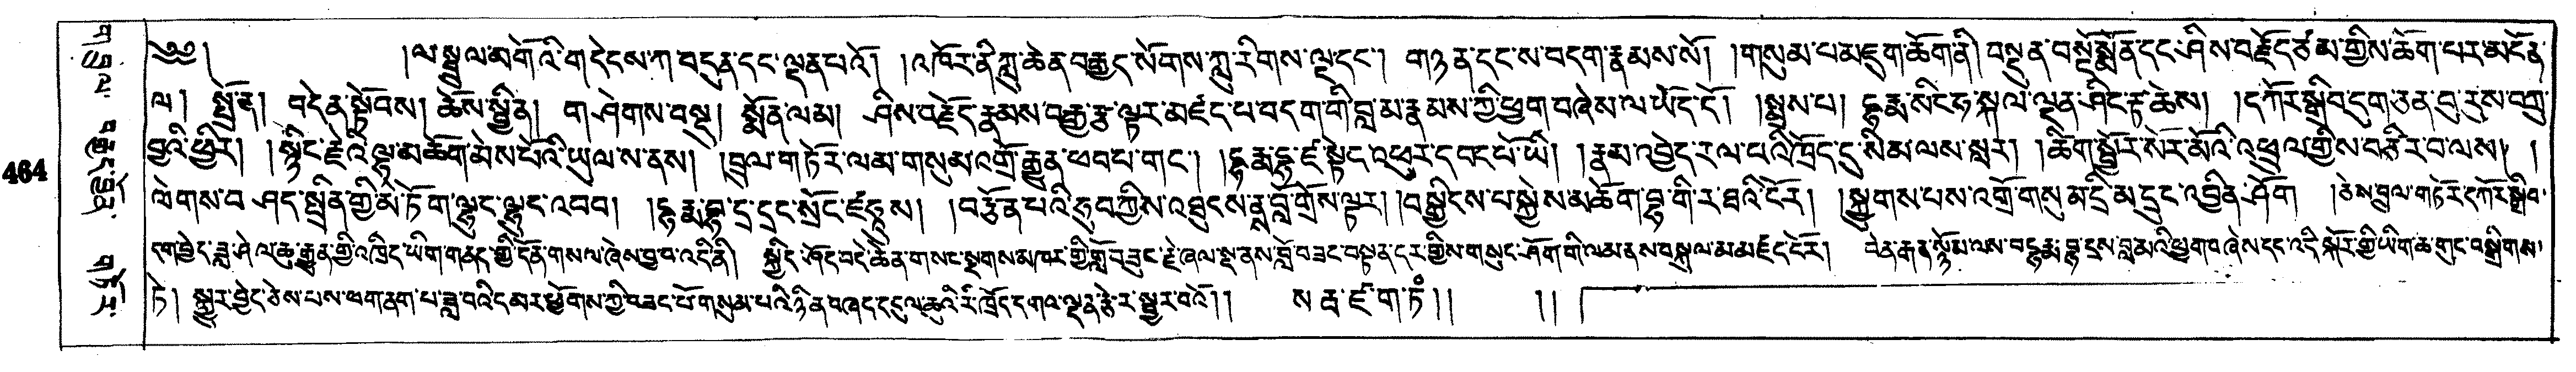༄༅། །ལ་སྤྲུལ་མགོའི་གདེངས་ཀ་བདུན་དང་ལྡན་པའོ། །འཁོར་ནི་ཀླུ་ཆེན་བརྒྱད་སོགས་ཀླུ་རིགས་ལྔ་དང་། གཉན་དང་ས་བདག་རྣམས་སོ། །གསུམ་པ་མཇུག་ཆོག་ནི། བསྡུན་བསྔོ་སྨོན་དང་ཤིས་བརྗོད་ཙམ་གྱིས་ཆོག་པར་མངོན་
ལ། སྤྲོ་ན། བདེན་སྟོབས། ཆོས་སྦྱིན། གཤེགས་བསྡུ། སྨོན་ལམ། ཤིས་བརྗོད་རྣམས་བརྒྱ་རྩ་ལྟར་མཛད་པ་བདག་གི་བླ་མ་རྣམས་ཀྱི་ཕྱག་བཞེས་ལ་ཡོད་དོ། །སྨྲས་པ། དྷ་རྨ་སིང་ཧ་སྐལ་ལྡན་ཤིང་རྟ་ཆེས། །དཀོར་སྒྲིབ་དུག་ཅན་བུ་རུས་བཀྲུ་
བྱའི་ཕྱིར། །སྙིང་རྗེའི་ལྷ་མཆོག་མེས་པོའི་ཡུལ་ས་ནས། །བྲུལ་གཏོར་ལམ་གསུམ་འགྲོ་རྒྱུན་ཕབ་པ་གང་། །དྷ་རྨ་དྷ་ཛ་སྟེང་འཕུར་དབང་པོ་ཡི། །རྣམ་འབྱེད་རལ་པའི་ཁྲོད་དུ་སིམ་ལས་སླར། །ཚིག་སྦྱོར་སོར་མོའི་འཕྲུལ་གྱིས་བཙིར་བ་ལས། །
ལེགས་བཤད་སྤྲིན་གྱི་མེ་ཏོག་ལྷུང་ལྷུང་འབབ། །དྷ་རྨ་བྷ་དྲ་དྲང་སྲོང་ཛ་ཧཱུས། །བརྩོན་པའི་ཧུབ་ཀྱིས་འཐུངས་ནས་བློ་གྲོས་ལྟར། །བསྒྱིངས་པ་སྐྱེས་མཆོག་བྷ་གི་ར་ཐའི་ངོར། །སྐྱུགས་པས་འགྲོ་གསུམ་དྲི་མ་དྲུང་འབྱིན་ཤོག ། ཅེས་བྲུལ་གཏོར་དཀོར་སྒྲིབ་
དག་བྱེད་ཟླ་ཤེལ་ཆུ་རྒྱུན་གྱི་འཁྲིད་ཡིག་གནད་གྱི་དོན་གསལ་ཞེས་བྱ་བ་འདི་ནི། སྐྱིད་ཤོང་བདེ་ཆེན་གསང་སྔགས་མཁར་གྱི་གློ་བཟུང་རྗེ་ཞལ་སྔ་ནས་བློ་བཟང་བསྟན་དར་གྱིས་གསུང་ཤོག་གི་ལམ་ནས་བསྐུལ་མ་མཛད་ངོར། བེན་རྒན་སྙོམ་ལས་བདྷ་རྨ་བཧ་དྲས་བླ་མའི་ཕྱག་བཞེས་དང་འདི་སྐོར་གྱི་ཡིག་ཆ་གུང་བསྒྲིགས།
ཏེ། སྒྱུར་བྱེད་ཅེས་པས་ཕག་ནག་པ་ཟླ་བའི་དམར་ཕྱོགས་ཀྱི་བཟང་པོ་གསུམ་པའི་ཉིན་བཞད་དངུལ་ཆུའི་རི་ཁྲོད་དགའ་ལྡན་རྩེར་སྦྱར་བའོ། ། སརྦ་ཛ་ག་ཏཾ།། །།